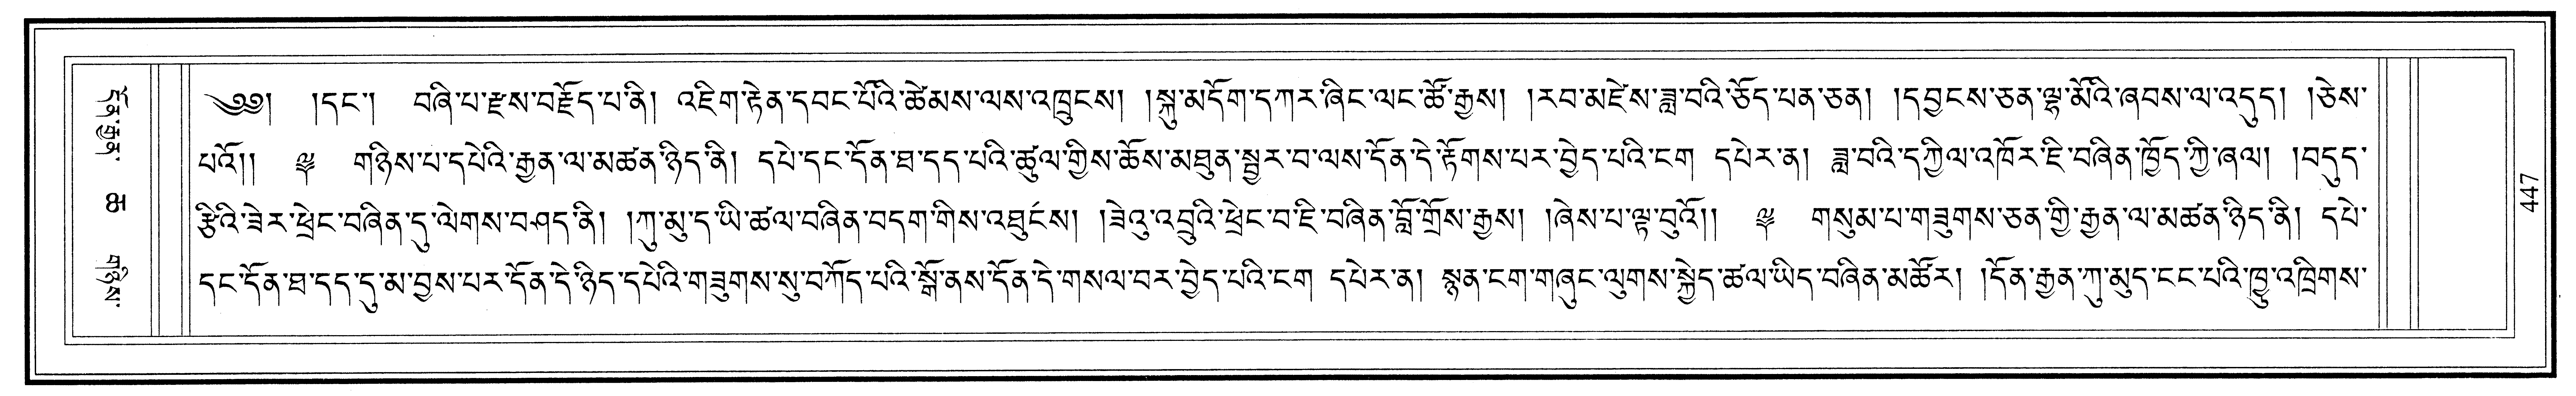༄༅། །དང་། བཞི་པ་རྫས་བརྗོད་པ་ནི། འཇིག་རྟེན་དབང་པོའི་ཚེམས་ལས་འཁྲུངས། །སྐུ་མདོག་དཀར་ཞིང་ལང་ཚོ་རྒྱས། །རབ་མཛེས་ཟླ་བའི་ཅོད་པན་ཅན། །དབྱངས་ཅན་ལྷ་མོའི་ཞབས་ལ་འདུད། །ཅེས་
པའོ།། ༈ གཉིས་པ་དཔེའི་རྒྱན་ལ་མཚན་ཉིད་ནི། དཔེ་དང་དོན་ཐ་དད་པའི་ཚུལ་གྱིས་ཆོས་མཐུན་སྦྱར་བ་ལས་དོན་དེ་རྟོགས་པར་བྱེད་པའི་ངག་དཔེར་ན། ཟླ་བའི་དཀྱིལ་འཁོར་ཇི་བཞིན་ཁྱོད་ཀྱི་ཞལ། །བདུད་
རྩིའི་ཟེར་ཕྲེང་བཞིན་དུ་ལེགས་བཤད་ནི། །ཀུ་མུ་ད་ཡི་ཚལ་བཞིན་བདག་གིས་འཐུངས། །ཟེའུ་འབྲུའི་ཕྲེང་བ་ཇི་བཞིན་བློ་གྲོས་རྒྱས། །ཞེས་པ་ལྟ་བུའོ།། ༈ གསུམ་པ་གཟུགས་ཅན་གྱི་རྒྱན་ལ་མཚན་ཉིད་ནི། དཔེ་
དང་དོན་ཐ་དད་དུ་མ་བྱས་པར་དོན་དེ་ཉིད་དཔེའི་གཟུགས་སུ་བཀོད་པའི་སྒོ་ནས་དོན་དེ་གསལ་བར་བྱེད་པའི་ངག་དཔེར་ན། སྙན་ངག་གཞུང་ལུགས་སྐྱེད་ཚལ་ཡིད་བཞིན་མཚོར། །དོན་རྒྱན་ཀུ་མུད་ངང་པའི་ཁྱུ་འཁྲིགས་